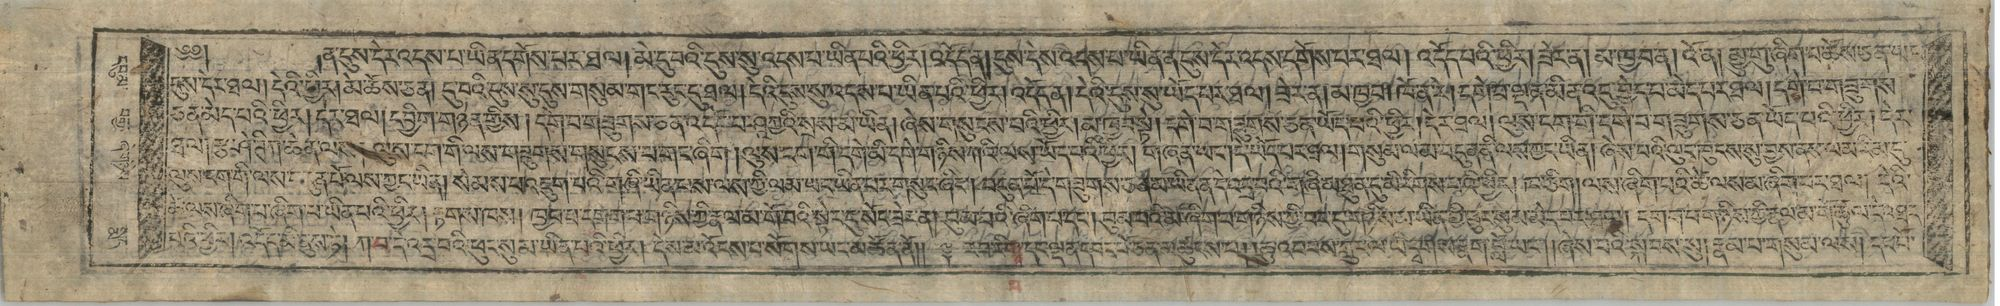༄༅། །ན་དུས་དེར་འདས་པ་ཡིན་དགོས་པར་ཐལ། མེ་དུ་བའི་དུས་སུ་འདས་པ་ཡིན་པའི་ཕྱིར། འདོད་ན། དུས་དེས་འདས་པ་ཡིན་ན་དུས་དེར་འདས་དགོས་བར་ཐལ། འདོད་པའི་ཕྱིར། ཟེར་ན། མ་ཁྱབ་ན། འོ་ན། མྱུ་གུ་ཞིག་པ་ཆོས་ཅན་ཡང་
དུས་དེར་ཐལ། དེའི་ཕྱིར། མེ་ཆོས་ཅན། དུ་བའི་དུས་སུ་དུས་གསུམ་གང་རུང་དུ་ཐལ། དེའི་དུས་སུ་འདས་པ་ཡིན་པའི་ཕྱིར། འདོད་ན། དེའི་དུས་སུ་ཡོད་པར་ཐལ། ཟེར་ན། མ་ཁྱབ། ཁོ་ན་རེ། དགེ་བ་ལྡན་མིན་འདུ་བྱེད་པ་མེད་པར་ཐལ། དགེ་བ་གཟུགས་
ཅན་མེད་པའི་ཕྱིར། དེར་ཐལ། དབྱིགྒྙེན་གྱིས། དགེ་བ་གཟུགས་ཅན་འདོད་པ་ཤཱཀྱའི་སྲས་མ་ཡིན། ཞེས་གསུངས་བའི་ཕྱིར། མ་ཁྱབ་སྟེ། དགེ་བ་གཟུགས་ཅན་ཡོད་པའི་ཕྱིར། དེར་ཐལ། ལུས་ངག་གི་དགེ་བ་གཟུགས་ཅན་ཡོད་པའི་ཕྱིར། དེར་
ཐལ། རྩ་ཤེ་ཊིཀཆེན་ལས། ལུས་ངག་གི་ལས་གཟུགས་གསུངས་པ་གང་ཞིག །ལུས་ངག་གི་དགེ་མི་དགེ་གཉིས་ཀའི་ལས་ཡོད་པའི་ཕྱིར། གཞན་ཡང་། དེ་ཡོད་པར་ཐལ། གསུམ་ལམ་བདུན་ནི་ལས་ཀྱང་ཡིན། ཞེས་པའི་ལུང་ཁུངས་སུ་བྱས་ནས་ལམ་རིམ་དུ་
ལུས་ངག་གི་ལས་བདུན་པོ་ལས་ཀྱང་ཡིན། སེམས་པ་འཇུག་པའི་གཞི་ཡིན་པས་ལས་ཀྱི་ལམ་ཡང་ཡིན་པར་གསུང་ཞིང་། བདུན་པོ་དེ་གཟུགས་ཅན་མ་ཡིན་ན་དེ་འདྲ་བའི་གཞི་མཐུན་དུ་མི་རིགས་པའི་ཕྱིར། ཁ་ཅིག །ལས་ཞིག་པའི་ཚེ་ལས་མ་ཞིག་པར་ཐལ། དེའི་
ཚེ་ལས་ཞིག་པ་ཞིག་པ་ཡིན་པའི་ཕྱིར། རྟགས་ཁས། ཁྱབ་པ་དགག་པ་གཉིས་ཀྱི་རྣལ་མ་གོ་བའི་སྟེང་དུ་སོང་ཟེར་ན། བུམ་པའི་ཞིག་པ་དང་། བུམ་པའི་མ་ཞིག་པ་གཉིས་ཀྱི་བར་དུ་གཉིས་མ་ཡིན་གྱི་ཕུང་སུམ་མེད་པར་ཐལ། དགག་པ་གཉིས་ཀྱི་རྣལ་མགོ་ཚུལ་དེ་འཐད་
པའི་ཕྱིར། འདོད་མི་ནུས་ཏེ། ཀ་བ་དེ་འདྲ་བའི་ཕུང་སུམ་ཡིན་པའི་ཕྱིར། དེས་མ་འོངས་པ་སྲོགསྱང་ན་?་ཚོན་ནོ།། ༈ རབ་རིབ་དང་ལྡན་དབང་པོ་ཅན་མཚུངས་པ། །ཆུ་འབབསྲླུང་ལ་ཡི་དྭགས་རྣག་བློ་ཡང་། །ཞེས་པའི་སྐབས་སུ། རྣམ་པ་གསུམ་ལས། དང་པོ་